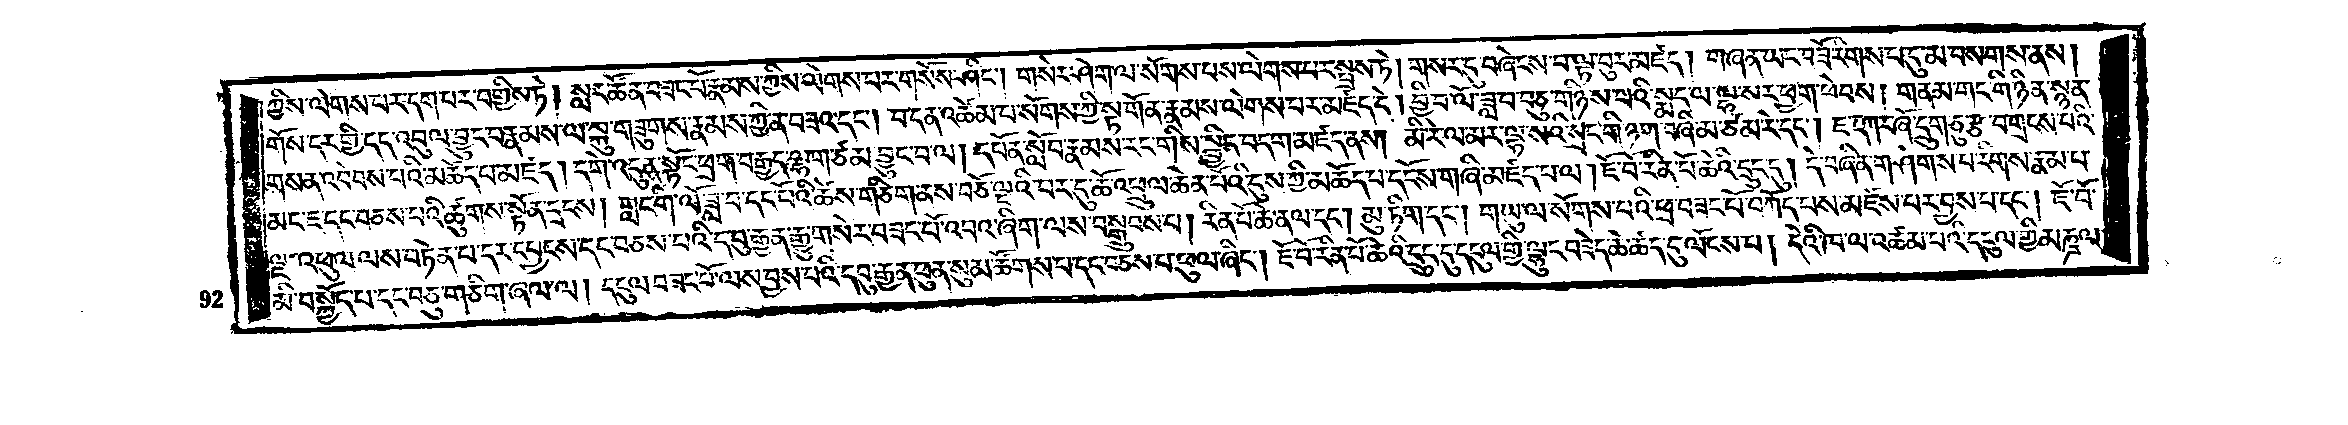ཀྱིས་ལེགས་པར་དག་པར་བགྱིས་ཏེ། སླང་ཚོན་བཟང་པོ་རྣམས་ཀྱིས་ལེགས་པར་གསོས་ཤིང་། གསེར་ཤེག་ལ་སོགས་པས་ལེགས་པར་སྤྲས་ཏེ། གསར་དུ་བཞེངས་པ་ལྟ་བུར་མཛད། གཞན་ཡང་བཟོ་རིགས་པ་དུ་མ་བསགས་ནས།
གོས་དར་གྱི་དད་འབུལ་བྱུང་བ་རྣམས་ལ་སྐུ་གཟུགས་རྣམས་ཀྱི་ན་བཟའ་དང་། བ་དན་འཚེམ་པ་སོགས་ཀྱི་སྟ་གོན་རྣམས་ལེགས་པར་མཛད་དེ། བྱི་བ་ལོ་ཟླ་བ་བཅུ་གཉིས་པའི་སྨད་ལ་ལྷ་སར་ཕྱག་ཕེབས། གནམ་གང་གི་ཉིན་སྙན་
གསན་འབེབས་པའི་མཆོད་པ་མཛད། དགེ་འདུན་སྟོང་ཕྲག་བརྒྱད་ལྷག་ཙམ་བྱུང་བ་ལ། དཔོན་སློབ་རྣམས་རང་གིས་སྦྱིད་བདག་མཛད་ནས། མི་རེ་ལ་མར་ལྷ་སའི་སྲང་གི་ཉག་བཞི་མ་ཙམ་རེ་དང་། ཇ་དཀར་ཞོ་དྲུག་ཅུ་རྩ་བ་གྲངས་པའི་
མང་ཇ་དང་བཅས་པའི་ཚུགས་སྟོན་དྲངས། གླང་གི་ལོ་ཟླ་བ་དང་པོའི་ཚེས་གཅིག་ནས་བཅོ་ལྔའི་བར་དུ་ཆོ་འཕྲུལ་ཆེན་པོའི་དུས་ཀྱི་མཆོད་པ་དངོས་གཞི་མཛད་པ་ལ། ཇོ་བོ་རིན་པོ་ཆེའི་དྲུང་དུ། དེ་བཞིན་གཤེགས་པ་རིགས་རྣམ་པ་
ལྔ་འཕུལ་ལས་བཏེན་པ་དར་དཔྱངས་དང་བཅས་པའི་དབུ་རྒྱན་རྒྱུ་གསེར་བཟང་པོ་འབའ་ཞིག་ལས་བསྒྲུབས་པ། རིན་པོ་ཆེ་ནལ་དང་། མུ་ཏིག་དང་། གཡུ་ལ་སོགས་པའི་ཕྲ་བཟང་པོ་བཀོད་པས་མཛེས་པར་བྱས་པ་དང་། ཇོ་བོ་
མི་བསྐྱོད་པ་དང་བཅུ་གཅིག་ཞལ་ལ། དངུལ་བཟང་པོ་ལས་བྱས་པའི་དབུ་རྒྱན་ཕུན་སུམ་ཚོགས་པ་དང་བཅས་པ་ཕུལ་ཞིང་། ཇོ་བོ་རིན་པོ་ཆེའི་དྲུང་དུ་དངུལ་གྱི་ལྷུང་བཟེད་ཆེ་ཚད་དུ་ལོངས་པ། དེའི་ཁ་ལ་འཚམ་པའི་དངུལ་གྱི་མཎྜལ་